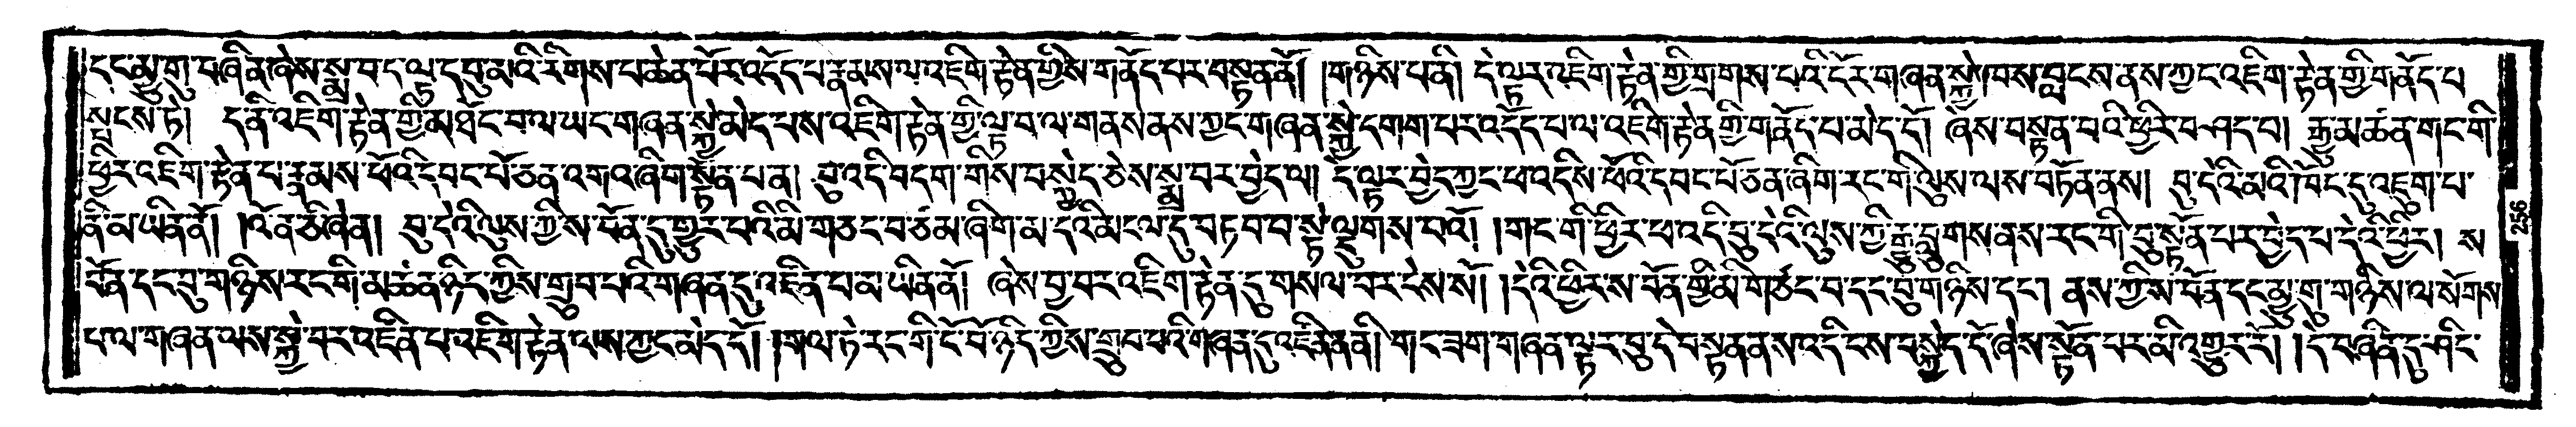དང་མྱུ་གུ་བཞིན་ཞེས་སྨྲ་བ་ད་ལྟ་དབུ་མའི་རིགས་པ་ཆེན་པོར་འདོད་པ་རྣམས་ལ་འཇིག་རྟེན་གྱིས་གནོད་པར་བསྟན་ནོ། །གཉིས་པ་ནི། དེ་ལྟར་འཇིག་རྟེན་གྱི་གྲགས་པའི་ངོར་གཞན་སྐྱེ་ཁས་བླངས་ནས་ཀྱང་འཇིག་རྟེན་གྱི་གནོད་པ་
སྤངས་ཏེ། ད་ནི་འཇིག་རྟེན་གྱི་མཐོང་བ་ལ་ཡང་གཞན་སྐྱེ་མེད་པས་འཇིག་རྟེན་གྱི་ལྟ་བ་ལ་གནས་ནས་ཀྱང་གཞན་སྐྱེ་དགག་པར་འདོད་པ་ལ་འཇིག་རྟེན་གྱི་གནོད་པ་མེད་དོ། ཞེས་བསྟན་པའི་ཕྱིར་བཤད་པ། རྒྱུ་མཚན་གང་གི་
ཕྱིར་འཇིག་རྟེན་པ་རྣམས་ཕོའི་དབང་པོ་ཅན་འགའ་ཞིག་སྟོན་པ་ན། བུ་འདི་བདག་གིས་བསྐྱེད་ཅེས་སྨྲ་བར་བྱེད་ལ། དེ་ལྟར་བྱེད་ཀྱང་ཕ་འདིས་ཕོའི་དབང་པོ་ཅན་ཞིག་རང་གི་ལུས་ལས་བཏོན་ནས། བུ་དེའི་མའི་ཁོང་དུ་འཇུག་པ་
ནི་མ་ཡིན་ནོ། །འོ་ན་ཅི་ཞེ་ན། བུ་དེའི་ལུས་ཀྱི་ས་བོན་དུ་གྱུར་པའི་མི་གཙང་བ་ཙམ་ཞིག་མ་དེའི་མངལ་དུ་བཏབ་པ་སྟེ་ལྡུགས་པའོ། །གང་གི་ཕྱིར་ཕ་འདི་བུ་དེའི་ལུས་ཀྱི་རྒྱུ་བླུགས་ནས་རང་གི་བུ་སྟོན་པར་བྱེད་པ་དེའི་ཕྱིར། ས་
བོན་དང་བུ་གཉིས་རང་གི་མཚན་ཉིད་ཀྱིས་གྲུབ་པའི་གཞན་དུ་འཛིན་པ་མ་ཡིན་ནོ། ཞེས་བྱ་བར་འཇིག་རྟེན་དུ་གསལ་བར་ངེས་སོ། །དེའི་ཕྱིར་ས་བོན་གྱི་མི་གཙང་བ་དང་བུ་གཉིས་དང་། ནས་ཀྱི་ས་བོན་དང་མྱུ་གུ་གཉིས་ལ་སོགས་
པ་ལ་གཞན་ལས་སྐྱེ་བར་འཛིན་པ་འཇིག་རྟེན་ལས་ཀྱང་མེད་དོ། །གལ་ཏེ་རང་གི་ངོ་བོ་ཉིད་ཀྱིས་གྲུབ་པའི་གཞན་དུ་འཛིན་ན་ནི། གང་ཟག་གཞན་ལྟར་བུ་དེ་བསྟན་ནས་འདི་ངས་བསྐྱེད་དོ་ཞེས་སྟོན་པར་མི་འགྱུར་རོ། །དེ་བཞིན་དུ་ཤིང་